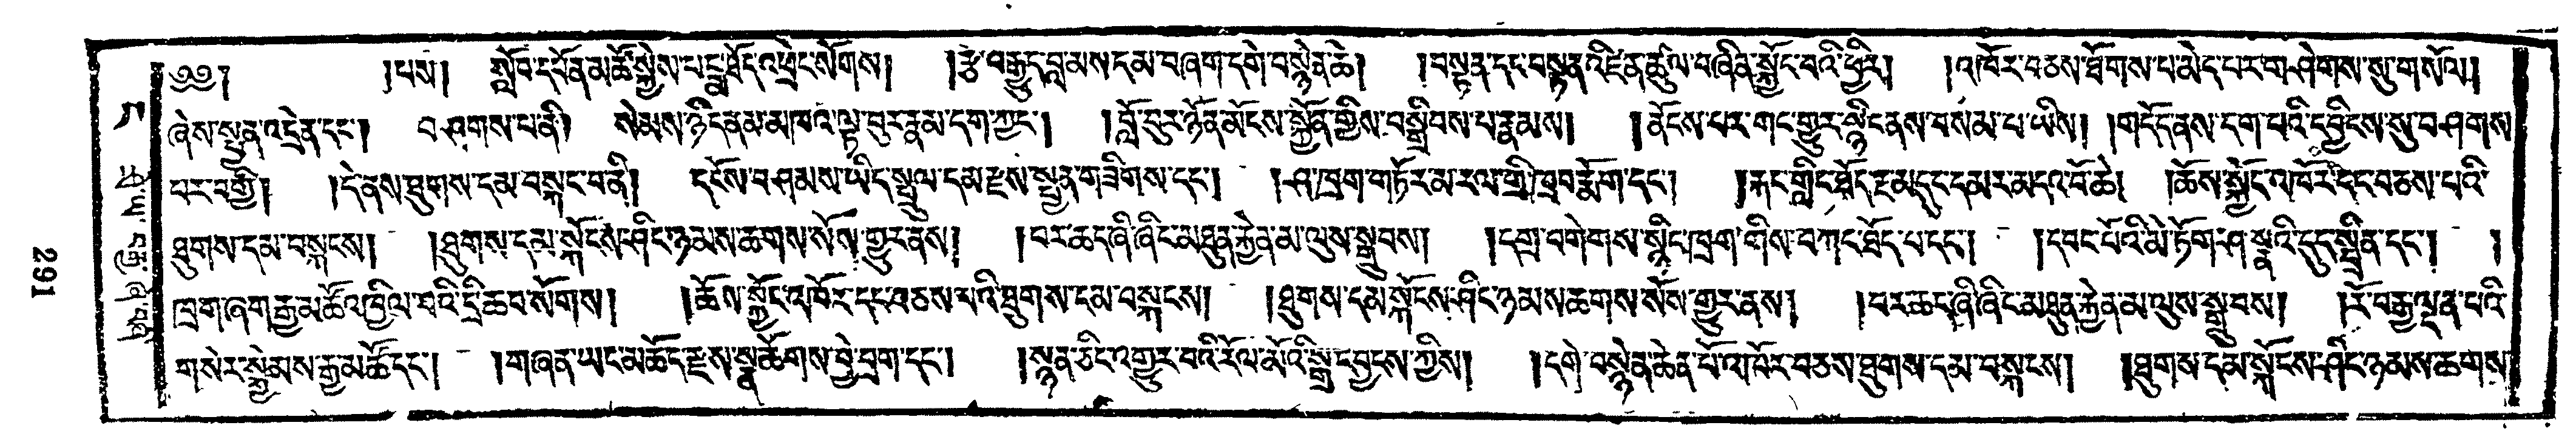༄༅། །པས། སློབ་དཔོན་མཚོ་སྐྱེས་པདམ་ཐོད་འཕྲེང་སོགས། །རྩེ་བརྒྱུད་བླ་མས་དམ་བཞག་དགེ་བསྙེན་ཆེ། །བསྟན་དང་བསྟན་འཛིན་ཚུལ་བཞིན་སྐྱོང་བའི་ཕྱིར། །འཁོར་བཅས་ཐོགས་པ་མེད་པར་གཤེགས་སུ་གསོལ།
ཞེས་སྤྱན་འདྲེན་དང་། བཤགས་པ་ནི། སེམས་ཉིད་ནམ་མཁའ་ལྟ་བུར་རྣམ་དག་ཀྱང་། །བློ་བུར་ཉོན་མོངས་སྐྱོན་གྱིས་བསྒྲིབས་པ་རྣམས། །ནོངས་པར་གང་གྱུར་སྙིང་ནས་བསམ་པ་ཡིས། །གདོད་ནས་དག་པའི་དབྱིངས་སུ་བཤགས་
པར་བགྱི། །དེ་ནས་ཐུགས་དམ་བསྐང་བ་ནི། དངོས་བཤམས་ཡིད་སྤྲུལ་དམ་རྫས་སྤྱན་གཟིགས་དང་། །ཤ་ཁྲག་གཏོར་མ་རལ་གྲི་ཁྲབ་རྨོག་དང་། །རྐང་གླིང་ཐོད་རྔ་མདུང་དམར་མདའ་བོ་ཆེ། །ཆོས་སྐྱོང་འཁོར་དང་བཅས་པའི་
ཐུགས་དམ་བསྐངས། །ཐུགས་དམ་སྐོངས་ཤིང་ཉམས་ཆགས་སོས་གྱུར་ནས། །བར་ཆད་ཞི་ཞིང་མཐུན་རྐྱེན་མ་ལུས་སྒྲུབས། །དགྲ་བགེགས་སྙིང་ཁྲག་གིས་བཀང་ཐོད་པ་དང་། །དབང་པོའི་མེ་ཏོག་ཤ་སྣའི་དུང་སྤྲིན་དང་། །
ཁྲག་ཞག་རྒྱ་མཚོ་འཁྱིལ་བའི་དྲི་ཆབ་སོགས། །ཆོས་སྐྱོང་འཁོར་དང་བཅས་པའི་ཐུགས་དམ་བསྐངས། །ཐུགས་དམ་སྐོངས་ཤིང་ཉམས་ཆགས་སོས་གྱུར་ནས། །བར་ཆད་ཞི་ཞིང་མཐུན་རྐྱེན་མ་ལུས་སྒྲུབས། །རོ་བརྒྱ་ལྡན་པའི་
གསེར་སྐྱེམས་རྒྱ་མཚོ་དང་། །གཞན་ཡང་མཆོད་རྫས་སྣ་ཚོགས་བྱེ་བྲག་དང་། །སྙན་ཅིང་འགྱུར་བའི་རོལ་མོའི་སྒྲ་དབྱངས་ཀྱིས། །དགེ་བསྙེན་ཆེན་པོ་འཁོར་བཅས་ཐུགས་དམ་བསྐངས། །ཐུགས་དམ་སྐོངས་ཤིང་ཉམས་ཆགས་